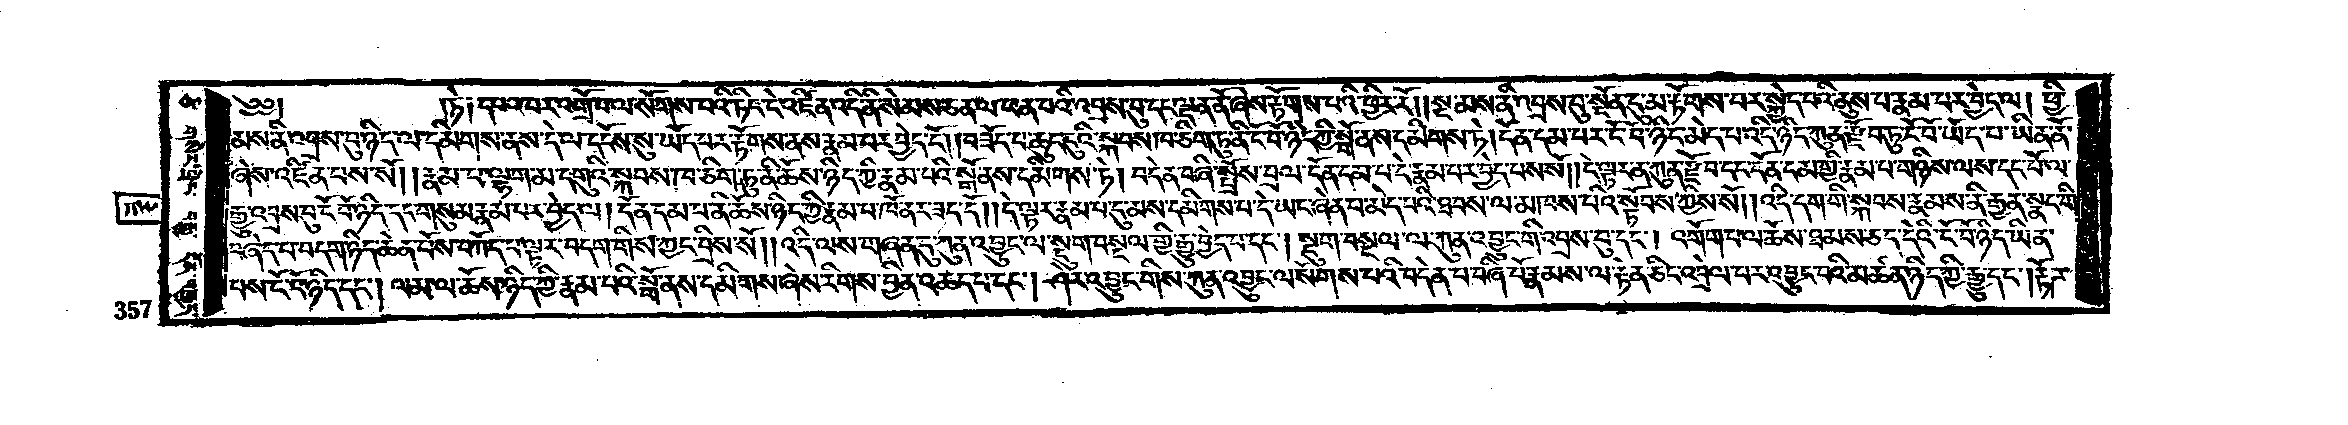༄༅། །ཏེ། དཔའ་བར་འགྲོ་བ་ལ་སོགས་པའི་ཏིང་ངེ་འཛིན་འདི་ནི་སེམས་ཅན་ལ་ཕན་པའི་འབྲས་བུ་དང་ལྡན་ནོ་ཞེས་རྟོགས་པའི་ཕྱིར་རོ། །སྔ་མས་ནི་འབྲས་བུ་སྔོན་དུ་མ་རྟོགས་པར་སྐྱེད་པའི་ནུས་པ་རྣམ་པར་བྱེད་ལ། ཕྱི་
མས་ནི་འབྲས་བུ་ཉིད་ལ་དམིགས་ནས་དེ་ལ་དངོས་སུ་ཡོད་པར་རྟོགས་ནས་རྣམ་པར་བྱེད་དོ། །བཟོད་པ་ཆུང་ངུའི་སྐབས་ཁ་ཅིག་ཏུ་ནི་ངོ་བོ་ཉིད་ཀྱི་སྒོ་ནས་དམིགས་ཏེ། དོན་དམ་པར་ངོ་བོ་ཉིད་མེད་པ་འདི་ཉིད་ཀུན་རྫོབ་ཏུ་ངོ་བོ་ཡོད་པ་ཡིན་ནོ་
ཞེས་འཛིན་པས་སོ། །རྣམ་པ་ལྷག་མ་དགུའི་སྐབས་ཁ་ཅིག་ཏུ་ནི་ཆོས་ཉིད་ཀྱི་རྣམ་པའི་སྒོ་ནས་དམིགས་ཏེ། བདེན་བཞི་སྤྲོས་བྲལ་དོན་དམ་པ་དེ་རྣམ་པར་བྱེད་པས་སོ། །དེ་ལྟར་ན་ཀུན་རྫོབ་དང་དོན་དམ་གྱི་རྣམ་པ་གཉིས་ལས་དང་པོ་ལ་
རྒྱུ་འབྲས་བུ་ངོ་བོ་ཉིད་དང་གསུམ་རྣམ་པར་བྱེད་ལ། དོན་དམ་པ་ནི་ཆོས་ཉིད་ཀྱི་རྣམ་པ་ཁོ་ནར་ཟད་དོ། །དེ་ལྟར་རྣམ་པ་དུ་མས་དམིགས་པ་དེ་ཡང་ཞེན་པ་མེད་པའི་ཐབས་ལ་མཁས་པའི་སྟོབས་ཀྱིས་སོ། །འདི་དག་གི་སྐབས་རྣམས་ནི་རྒྱན་སྣང་གི་
བཞེད་པ་བདག་ཉིད་ཆེན་པོས་བཀོད་པ་ལྟར་བདག་གིས་ཀྱང་བྲིས་སོ། །འདི་ལས་གཞན་དུ་ཀུན་འབྱུང་ལ་སྡུག་བསྔལ་གྱི་རྒྱུ་བྱེད་པ་དང་། སྡུག་བསྔལ་ལ་ཀུན་འབྱུང་གི་འབྲས་བུ་དང་། འགོག་པ་ལ་ཆོས་ཐམས་ཅད་དེའི་ངོ་བོ་ཉིད་ཡིན་
པས་ངོ་བོ་ཉིད་དང་། ལམ་ལ་ཆོས་ཉིད་ཀྱི་རྣམ་པའི་སྒོ་ནས་དམིགས་ཞེས་རིགས་བྱིན་འཆད་པ་དང་། ཤེར་འབྱུང་གིས་ཀུན་འབྱུང་ལ་སོགས་པའི་བདེན་པ་བཞི་པོ་རྣམས་ལ་རྟེན་ཅིང་འབྲེལ་པར་འབྱུང་བའི་མཚན་ཉིད་ཀྱི་རྒྱུ་དང་། རྟོགས་